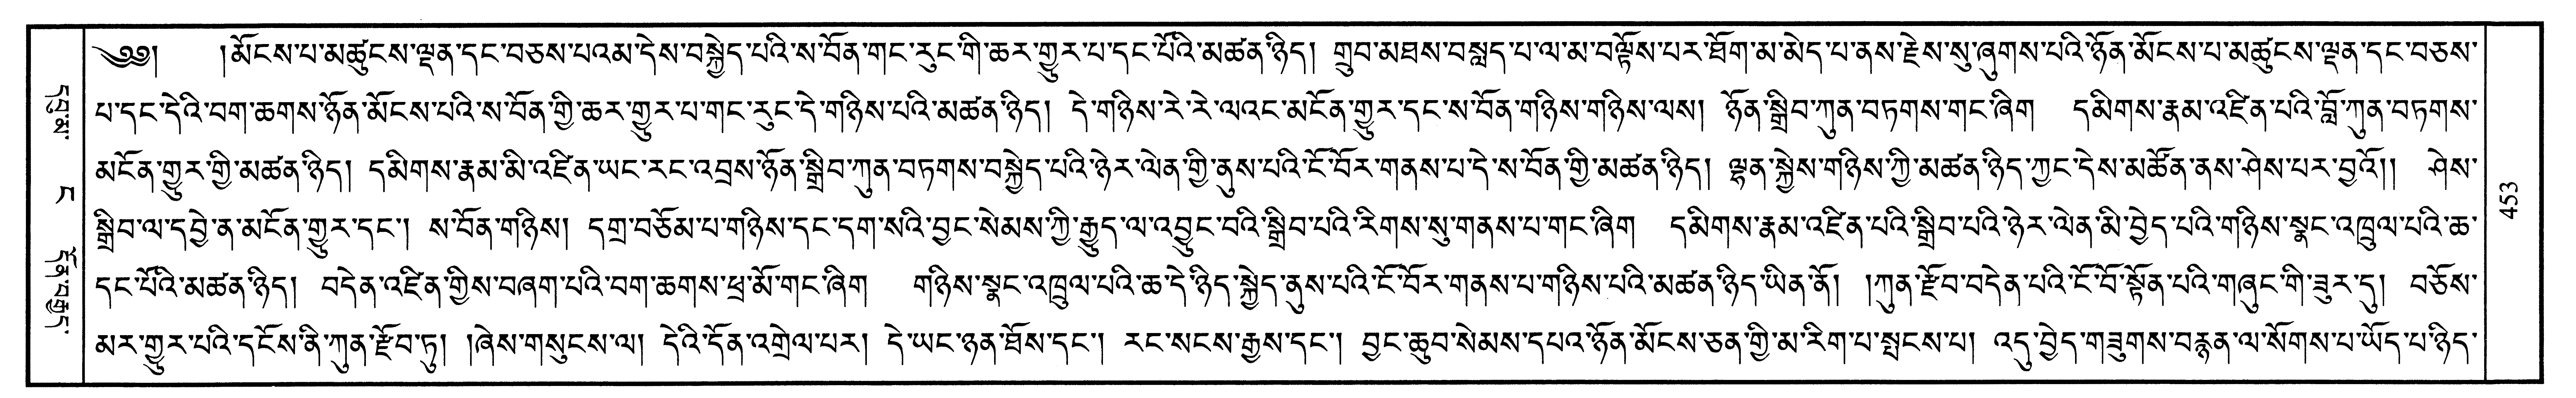༄༅། །མོངས་པ་མཚུངས་ལྡན་དང་བཅས་པའམ་དེས་བསྐྱེད་པའི་ས་བོན་གང་རུང་གི་ཆར་གྱུར་པ་དང་པོའི་མཚན་ཉིད། གྲུབ་མཐས་བསླད་པ་ལ་མ་བལྟོས་པར་ཐོག་མ་མེད་པ་ནས་རྗེས་སུ་ཞུགས་པའི་ཉོན་མོངས་པ་མཚུངས་ལྡན་དང་བཅས་
པ་དང་དེའི་བག་ཆགས་ཉོན་མོངས་པའི་ས་བོན་གྱི་ཆར་གྱུར་པ་གང་རུང་དེ་གཉིས་པའི་མཚན་ཉིད། དེ་གཉིས་རེ་རེ་ལའང་མངོན་གྱུར་དང་ས་བོན་གཉིས་གཉིས་ལས། ཉོན་སྒྲིབ་ཀུན་བཏགས་གང་ཞིག་དམིགས་རྣམ་འཛིན་པའི་བློ་ཀུན་བཏགས་
མངོན་གྱུར་གྱི་མཚན་ཉིད། དམིགས་རྣམ་མི་འཛིན་ཡང་རང་འབྲས་ཉོན་སྒྲིབ་ཀུན་བཏགས་བསྐྱེད་པའི་ཉེར་ལེན་གྱི་ནུས་པའི་ངོ་བོར་གནས་པ་དེ་ས་བོན་གྱི་མཚན་ཉིད། ལྷན་སྐྱེས་གཉིས་ཀྱི་མཚན་ཉིད་ཀྱང་དེས་མཚོན་ནས་ཤེས་པར་བྱའོ།། ཤེས་
སྒྲིབ་ལ་དབྱེ་ན་མངོན་གྱུར་དང་། ས་བོན་གཉིས། དགྲ་བཅོམ་པ་གཉིས་དང་དག་སའི་བྱང་སེམས་ཀྱི་རྒྱུད་ལ་འབྱུང་བའི་སྒྲིབ་པའི་རིགས་སུ་གནས་པ་གང་ཞིག་དམིགས་རྣམ་འཛིན་པའི་སྒྲིབ་པའི་ཉེར་ལེན་མི་བྱེད་པའི་གཉིས་སྣང་འཁྲུལ་པའི་ཆ་
དང་པོའི་མཚན་ཉིད། བདེན་འཛིན་གྱིས་བཞག་པའི་བག་ཆགས་ཕྲ་མོ་གང་ཞིག་གཉིས་སྣང་འཁྲུལ་པའི་ཆ་དེ་ཉིད་སྐྱེད་ནུས་པའི་ངོ་བོར་གནས་པ་གཉིས་པའི་མཚན་ཉིད་ཡིན་ནོ། །ཀུན་རྫོབ་བདེན་པའི་ངོ་བོ་སྟོན་པའི་གཞུང་གི་ཟུར་དུ། བཅོས་
མར་གྱུར་པའི་དངོས་ནི་ཀུན་རྫོབ་ཏུ། །ཞེས་གསུངས་ལ། དེའི་དོན་འགྲེལ་པར། དེ་ཡང་ཉན་ཐོས་དང་། རང་སངས་རྒྱས་དང་། བྱང་ཆུབ་སེམས་དཔའ་ཉོན་མོངས་ཅན་གྱི་མ་རིག་པ་སྤངས་པ། འདུ་བྱེད་གཟུགས་བརྙན་ལ་སོགས་པ་ཡོད་པ་ཉིད་